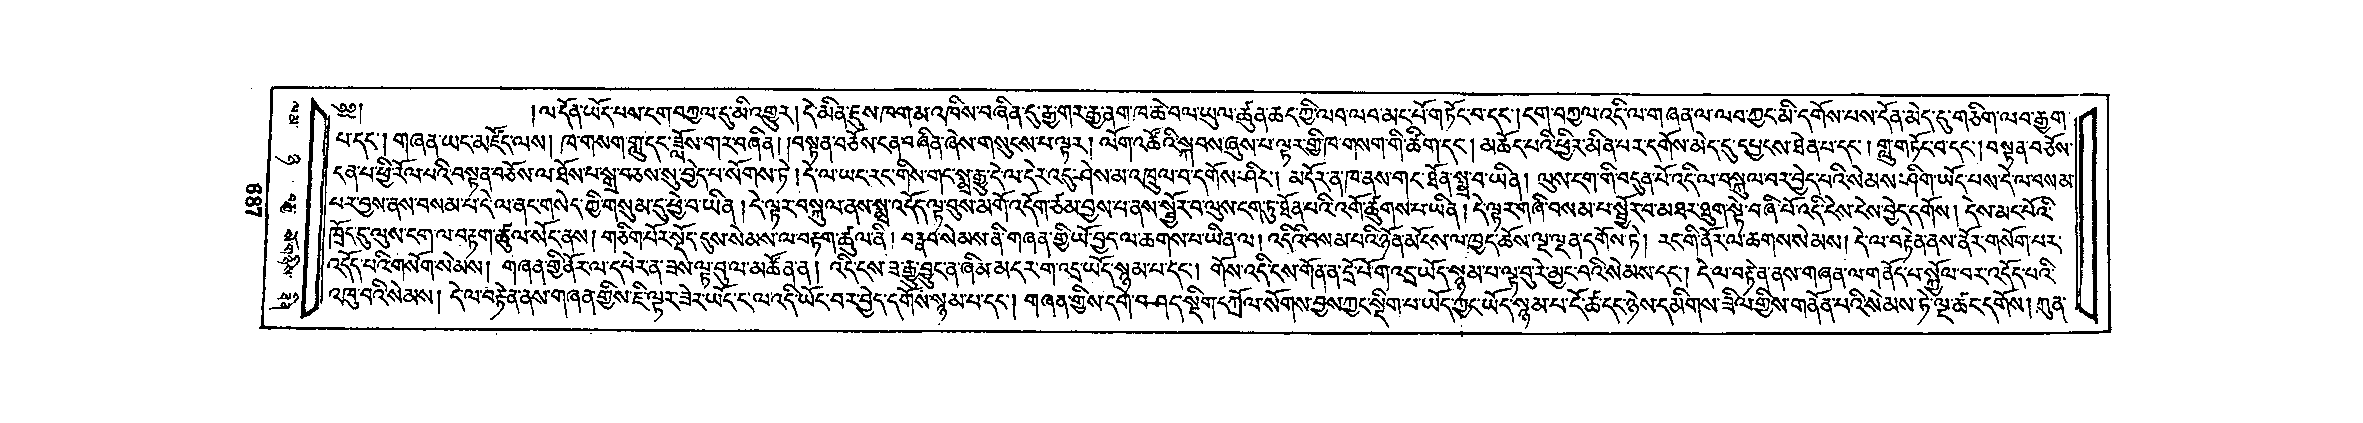༄༅། །ལ་དོན་ཡོད་པས་ངག་བཀྱལ་དུ་མི་འགྱུར། དེ་མིན་ཇུས་ཁག་མ་འཁིས་བཞིན་དུ་རྒྱ་གར་རྒྱ་ནག་ཁ་ཆེ་བལ་ཡུལ་ཚུན་ཆད་ཀྱི་ལབ་ལབ་མང་པོ་གཏོང་བ་དང་། ངག་བཀྱལ་འདི་ལ་གཞན་ལ་ལབ་ཀྱང་མི་དགོས་པས་དོན་མེད་དུ་གཅིག་ལབ་རྒྱག་
པ་དང་། གཞན་ཡང་མཛོད་ལས། ཁ་གསག་གླུ་དང་ཟློས་གར་བཞིན། །བསྟན་བཅོས་ངན་བཞིན་ཞེས་གསུངས་པ་ལྟར། ལོག་འཚོའི་སྐབས་ཞུས་པ་ལྟར་གྱི་ཁ་གསག་གི་ཚིག་དང་། མཆོད་པའི་ཕྱིར་མིན་པར་དགོས་མེད་དུ་དཔྱངས་ཐེན་པ་དང་། གླུ་གཏོང་བ་དང་། བསྟན་བཅོས་
ངན་པ་ཕྱི་རོལ་པའི་བསྟན་བཅོས་ལ་ཐོས་པ་སྒྲ་བཅས་སུ་བྱེད་པ་སོགས་ཏེ། དེ་ལ་ཡང་རང་གིས་གང་སྨྲ་རྒྱུ་དེ་ལ་དེར་འདུ་ཤེས་མ་འཁྲུལ་བ་དགོས་ཤིང་། མདོར་ན་ཁ་ནས་གང་ཐོན་སྨྲ་བ་ཡིན། ལུས་ངག་གི་བདུན་པོ་འདི་ལ་བསྐུལ་བར་བྱེད་པའི་སེམས་ཤིག་ཡོད་པས་དེ་ལ་བསམ་
པར་བྱས་ནས་བསམ་པ་དེ་ལ་ནང་གསེད་ཀྱི་གསུམ་དུ་ཕྱེ་བ་ཡིན། དེ་ལྟར་བསྐུལ་ནས་སྨྲ་འདོད་ལྟ་བུས་མགོ་འདོག་ཙམ་བྱས་པ་ནས་སྦྱོར་བ་ལུས་ངག་ཏུ་ཐོན་པའི་འགོ་ཚུགས་པ་ཡིན། དེ་ལྟར་གཞི་བསམ་པ་སྦྱོར་བ་མཐར་ཐུག་སྟེ་བཞི་པོ་འདི་ངེས་ངེས་བྱེད་དགོས། དེས་མང་པོའི་
ཁྲོད་དུ་ལུས་ངག་ལ་བརྟག་ཚུལ་སོང་ནས། གཅིག་པོར་སྡོད་དུས་སེམས་ལ་བརྟག་ཚུལ་ནི། བརྣབ་སེམས་ནི་གཞན་གྱི་ཡོ་བྱད་ལ་ཆགས་པ་ཡིན་ལ། འདིའི་བསམ་པའི་ཉོན་མོངས་ལ་ཁྱད་ཆོས་ལྔ་ལྡན་དགོས་ཏེ། རང་གི་ནོར་ལ་ཆགས་སེམས། དེ་ལ་བརྟེན་ནས་ནོར་གསོག་པར་
འདོད་པའི་གསོག་སེམས། གཞན་གྱི་ནོར་ལ་དཔེར་ན་ཟས་ལྟ་བུ་ལ་མཚོན་ན། འདི་ངས་ཟ་རྒྱུ་བྱུང་ན་ཞིམ་མདར་ག་འདྲ་ཡོད་སྙམ་པ་དང་། གོས་འདི་ངས་གོན་ན་དྲོ་པོ་ག་འདྲ་ཡོད་སྙམ་པ་ལྟ་བུ་རེ་མྱང་བའི་སེམས་དང་། དེ་ལ་བརྟེན་ནས་གཞན་ལ་གནོད་པ་སྐྱོལ་བར་འདོད་པའི་
འཁུ་བའི་སེམས། དེ་ལ་བརྟེན་ནས་གཞན་གྱིས་ཇི་ལྟར་ཟེར་ཡོང་ང་ལ་འདི་ཡོང་བར་བྱེད་དགོས་སྙམ་པ་དང་། གཞན་གྱིས་དགེ་བཤད་སྡིག་དཀྲོལ་སོགས་བྱས་ཀྱང་སྡིག་པ་ཡོད་ཀྱང་ཡོད་སྙམ་པ་དོ་ཚ་དང་ཉེས་དམིགས་ཟིལ་གྱིས་གནོན་པའི་སེམས་ཏེ་ལྔ་ཚང་དགོས། ཀུན་